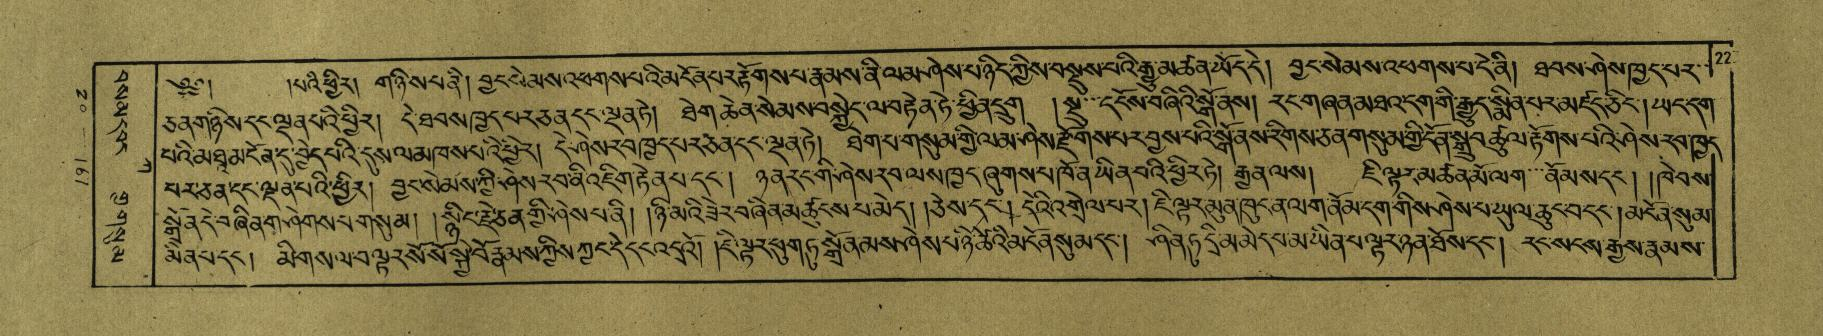༄༅། །པའི་ཕྱིར། གཉིས་པ་ནི། བྱང་སེམས་འཕགས་པའི་མངོན་པར་རྟོགས་པ་རྣམས་ནི་ལམ་ཤེས་པ་ཉིད་ཀྱིས་བསྡུས་པའི་རྒྱུ་མཚན་ཡོད་དེ། བྱང་སེམས་འཕགས་པ་དེ་ནི། ཐབས་ཤེས་ཁྱད་པར་
ཅན་གཉིས་དང་ལྡན་པའི་ཕྱིར། དེ་ཐབས་ཁྱད་པར་ཅན་དང་ལྡན་ཏེ། ཐེག་ཆེན་སེམས་བསྐྱེད་ལ་བརྟེན་ཏེ་ཕྱིན་དྲུག །སྡུ་དངོས་བཞིའི་སྒོ་ནས། རང་གཞན་མཐའ་དག་གི་རྒྱུད་སྨིན་པར་མཛད་ཅིང་། ཡང་དག་
པའི་མཐའ་མངོན་དུ་བྱེད་པའི་དུས་ལམ་ཁས་པའི་ཕྱིར། དེ་ཤེས་རབ་ཁྱད་པར་ཅན་དང་ལྡན་ཏེ། ཐེག་པ་གསུམ་གྱི་ལམ་ཤེས་རྫོགས་པར་བྱས་པའི་སྒོ་ནས་རིགས་ཅན་གསུམ་གྱི་དོན་སྒྲུབ་ཚུལ་རྟོགས་པའི་ཤེས་རབ་ཁྱད་
པར་ཅན་དང་ལྡན་པའི་ཕྱིར། བྱང་སེམས་ཀྱི་ཤེས་རབ་ནི་འཇིག་རྟེན་པ་དང་། ཉན་རང་གི་ཤེས་རབ་ལས་ཁྱད་ཞུགས་པ་ཁོ་ན་ཡིན་པའི་ཕྱིར་ཏེ། རྒྱན་ལས། ཇི་ལྟར་མཚན་མོ་ལག་ནོམས་དང་། །ཁེབས་
སྒྲོན་དེ་བཞིན་གཤེགས་པ་གསུམ། །སྙིང་རྗེ་ཅན་གྱི་ཤེས་པ་ནི། །ཉི་མའི་ཟེར་བཞིན་མཚུངས་པ་མེད། །ཅེས་པ་དང་། དེའི་འགྲེལ་པར། ཇི་ལྟར་མུན་ཁུང་ན་ལག་ནོམ་དག་གིས་ཤེས་པ་ཡུལ་ཆུང་བ་དང་། མངོན་སུམ་
མིན་པ་དང་། མི་གསལ་བ་ལྟར་སོ་སོ་སྐྱེ་བོ་རྣམས་ཀྱིས་ཀྱང་དེ་དང་འདྲའོ། །ཇི་ལྟར་ཕུག་ཏུ་སྒྲོན་མས་ཤེས་པ་ཉི་ཚེའི་མངོན་སུམ་དང་། ཤིན་ཏུ་དྲི་མ་མེད་པ་མ་ཡིན་པ་ལྟར་ཉན་ཐོས་དང་། རང་སངས་རྒྱས་རྣམས་